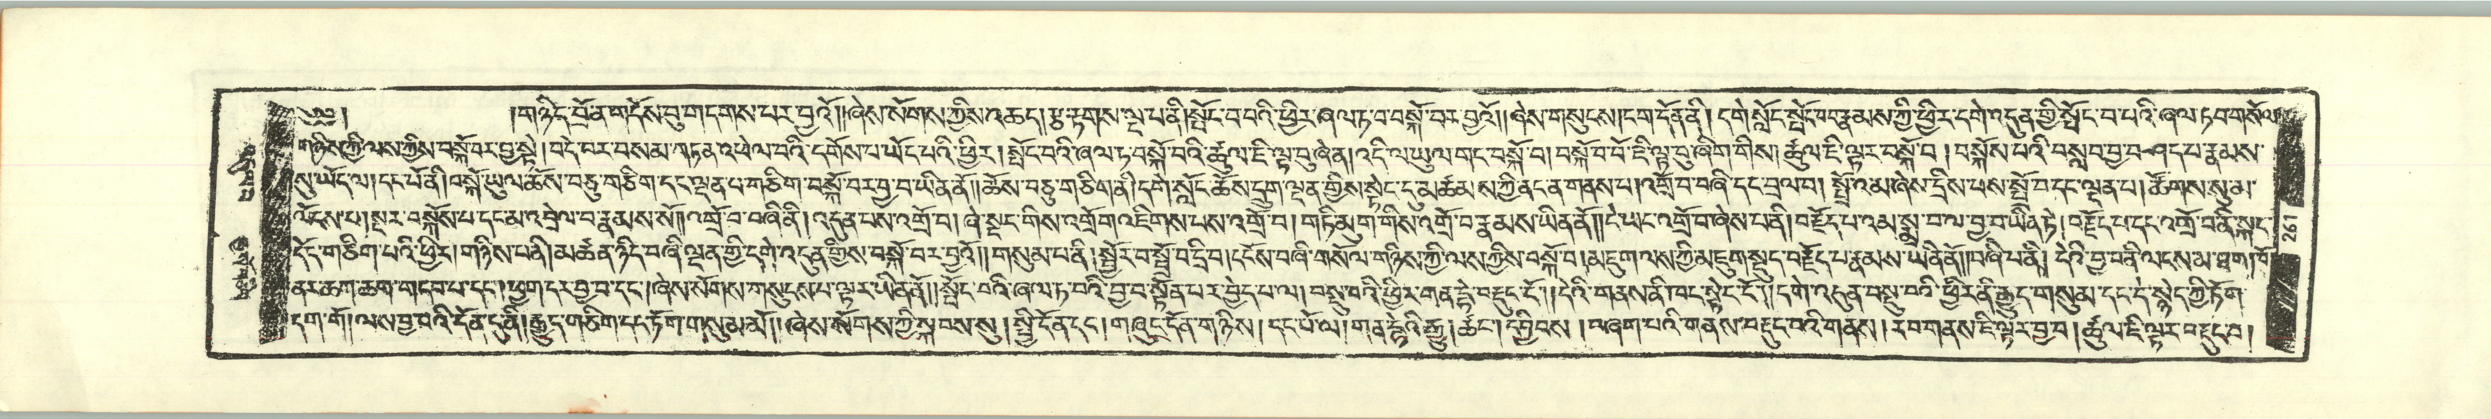༄༅། །གཉིད་བྲོ་ན་གདོས་བུ་གདགས་པར་བྱའོ། །ཞེས་སོགས་ཀྱིས་འཆད། རྩ་རྟགས་ལྔ་པ་ནི། སྤོང་བ་བའི་ཕྱིར་ཞལ་ཏ་བ་བསྐོ་བར་བྱའོ། །ཞེས་གསུངས། ངག་དོན་ནི། དགེ་སློང་སྤོང་བ་རྣམས་ཀྱི་ཕྱིར་དགེ་འདུན་གྱི་སྤོང་བ་པའི་ཞལ་ཏབ་གསོལ་
གཉིས་ཀྱི་ལས་ཀྱིས་བསྐོ་བར་བྱ་སྟེ། བདེ་བར་བསམ་གཏན་འཕེལ་བའི་དགོས་པ་ཡོད་པའི་ཕྱིར། སྤོང་བའི་ཞལ་ཏ་བསྐོ་བའི་ཚུལ་ཇི་ལྟ་བུ་ཞེ་ན། འདི་ལ་ཡུལ་གང་བསྐོ་བ། བསྐོ་བ་བོ་ཇི་ལྟ་བུ་ཞིག་གིས། ཚུལ་ཇི་ལྟར་བསྐོ་བ། བསྐོས་པའི་བསླབ་བྱ་བཤད་པ་རྣམས་
སུ་ཡོད་ལ། དང་པོ་ནི། བསྐོ་ཡུལ་ཆོས་བཅུ་གཅིག་དང་ལྡན་པ་གཅིག་བསྐོ་བར་བྱ་བ་ཡིན་ནོ། །ཆོས་བཅུ་གཅིག་ནི། དགེ་སློང་ཆོས་དྲུག་ལྡན་གྱིས་སྟེང་དུ་མཚམས་ཀྱི་ནང་ན་གནས་པ། འགྲོ་བ་བཞི་དང་བྲལ་བ། སྤྲོ་འམ་ཞེས་དྲིས་པས་སྤྲོ་བ་དང་ལྡན་པ། ཚོགས་སུ་མ་
ལོངས་པ། སྔར་བསྐོས་པ་དང་མ་འབྲེལ་བ་རྣམས་སོ། །འགྲོ་བ་བཞི་ནི། འདུན་པས་འགྲོ་བ། ཞེ་སྡང་གིས་འགྲོག་འཇིགས་པས་འགྲོ་བ། གཏི་མུག་གིས་འགྲོ་བ་རྣམས་ཡིན་ནོ། །དེ་ཡང་འགྲོ་བ་ཞེས་པ་ནི། བརྗོད་པ་འམ་སྨྲ་བ་ལ་བྱ་བ་ཡིན་ཏེ། བརྗོད་པ་དང་འགྲོ་བ་ནི་སྐད་
དོད་གཅིག་པའི་ཕྱིར། གཉིས་པ་ནི། མཚན་ཉིད་བཞི་ལྡན་གྱི་དགེ་འདུན་གྱིས་བསྐོ་བར་བྱའོ། །གསུམ་པ་ནི། སྦྱོར་བ་སྦྲོ་བ་དྲི་བ། དངོས་བཞི་གསོལ་གཉིས་ཀྱི་ལས་ཀྱིས་བསྐོ་བ། མཇུག་ལས་ཀྱི་མཇུག་སྡུད་བརྗོད་པ་རྣམས་ཡིན་ནོ། །བཞི་པ་ནི། དེའི་བྱ་བ་ནི་ལངས་མ་ཐག་ཁོ་
ནར་ཆག་ཆག་གདབ་པ་དང་། ཕྱག་དར་བྱ་བ་དང་། ཞེས་སོགས་གསུངས་པ་ལྟར་ཡིན་ནོ། །སྤོང་བའི་ཞལ་ཏ་བའི་བྱ་བ་སྟོན་པར་བྱེད་པ་ལ། བསྡུ་བའི་ཕྱིར་གན་དྷེ་བརྡུང་ངོ། །དེའི་གནས་ནི་ཁང་སྟེང་ངོ། །དགེ་འདུན་བསྡུ་བའི་ཕྱིར་ནི་རྒྱུད་གསུམ་དང་དེ་སྙེད་ཀྱི་ཏོག་
དག་གོ། ལས་བྱ་བའི་དོན་དུ་ནི། རྒྱུད་གཅིག་དང་ཏོག་གསུམ་མོ། །ཞེས་སོགས་ཀྱི་སྐབས་སུ། སྤྱི་དོན་དང་། གཞུང་དོན་གཉིས། དང་པོ་ལ། གན་དྷེའི་རྒྱུ། ཚང་། དབྱིབས། བཞག་པའི་གནས་བརྡུང་བའི་གནས། རབ་གནས་ཇི་ལྟར་བྱ་བ། ཚུལ་ཇི་ལྟར་བརྡུང་བ།